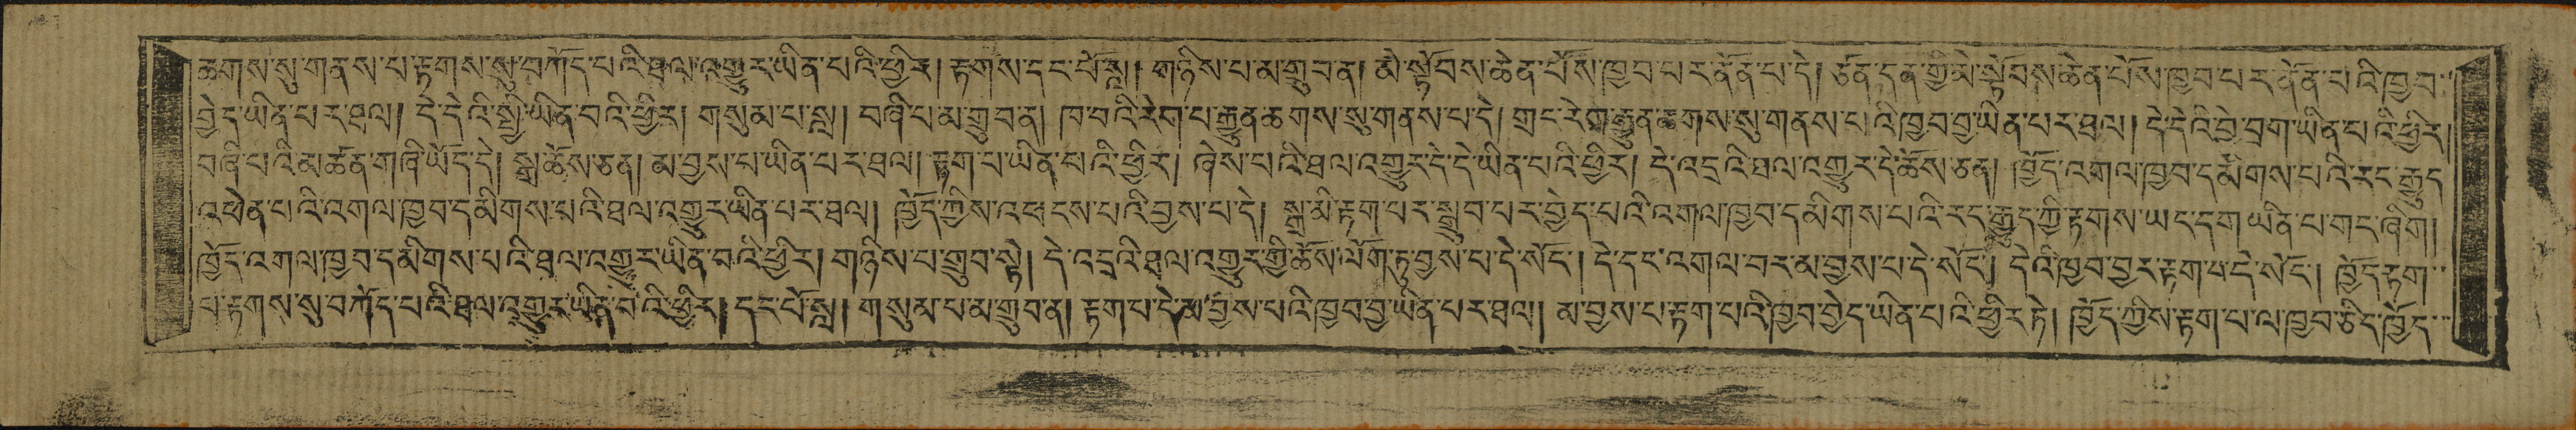ཆགས་སུ་གནས་པ་རྟགས་སུ་བཀོད་པའི་ཐལ་འགྱུར་ཡིན་པའི་ཕྱིར། རྟགས་དང་པོ་སླ། གཉིས་པ་མ་གྲུབ་ན། མེ་སྟོབས་ཆེན་པོས་ཁྱབ་པར་ནོན་པ་དེ། ཙན་དན་གྱི་མེ་སྟོབས་ཆེན་པོས་ཁྱབ་པར་ནོན་པའི་ཁྱབ་
བྱེད་ཡིན་པར་ཐལ། དེ་དེའི་སྤྱི་ཡིན་པའི་ཕྱིར། གསུམ་པ་སླ། བཞི་པ་མ་གྲུབ་ན། ཁ་བའི་རེག་པ་རྒྱུན་ཆགས་སུ་གནས་པ་དེ། གྲང་རེག་རྒྱུན་ཆགས་སུ་གནས་པའི་ཁྱབ་བྱ་ཡིན་པར་ཐལ། དེ་དེའི་བྱེ་བྲག་ཡིན་པའི་ཕྱིར།
བཞི་པའི་མཚན་གཞི་ཡོད་དེ། སྒྲ་ཆོས་ཅན། མ་བྱས་པ་ཡིན་པར་ཐལ། རྟག་པ་ཡིན་པའི་ཕྱིར། ཞེས་པའི་ཐལ་འགྱུར་དེ་དེ་ཡིན་པའི་ཕྱིར། དེ་འདྲའི་ཐལ་འགྱུར་དེ་ཆོས་ཅན། ཁྱོད་འགལ་ཁྱབ་དམིགས་པའི་རང་རྒྱུད་
འཕེན་པའི་འགལ་ཁྱབ་དམིགས་པའི་ཐལ་འགྱུར་ཡིན་པར་ཐལ། ཁྱོད་ཀྱིས་འཕངས་པའི་བྱས་པ་དེ། སྒྲ་མི་རྟག་པར་སྒྲུབ་པར་བྱེད་པའི་འགལ་ཁྱབ་དམིགས་པའི་རང་རྒྱུད་ཀྱི་རྟགས་ཡང་དག་ཡིན་པ་གང་ཞིག །
ཁྱོད་འགལ་ཁྱབ་དམིགས་པའི་ཐལ་འགྱུར་ཡིན་པའི་ཕྱིར། གཉིས་པ་གྲུབ་སྟེ། དེ་འདྲའི་ཐལ་འགྱུར་གྱི་ཆོས་ལོག་ཏུ་བྱས་པ་དེ་སོང་། དེ་དང་འགལ་བར་མ་བྱས་པ་དེ་སོང་། དེའི་ཁྱབ་བྱར་རྟག་པ་དེ་སོང་། ཁྱོད་རྟག་
པ་རྟགས་སུ་བཀོད་པའི་ཐལ་འགྱུར་ཡིན་པའི་ཕྱིར། དང་པོ་སླ། གསུམ་པ་མ་གྲུབ་ན། རྟག་པ་དེ་མ་བྱས་པའི་ཁྱབ་བྱ་ཡིན་པར་ཐལ། མ་བྱས་པ་རྟག་པའི་ཁྱབ་བྱེད་ཡིན་པའི་ཕྱིར་ཏེ། ཁྱོད་ཀྱིས་རྟག་པ་ལ་ཁྱབ་ཅིད་ཁྱོད་